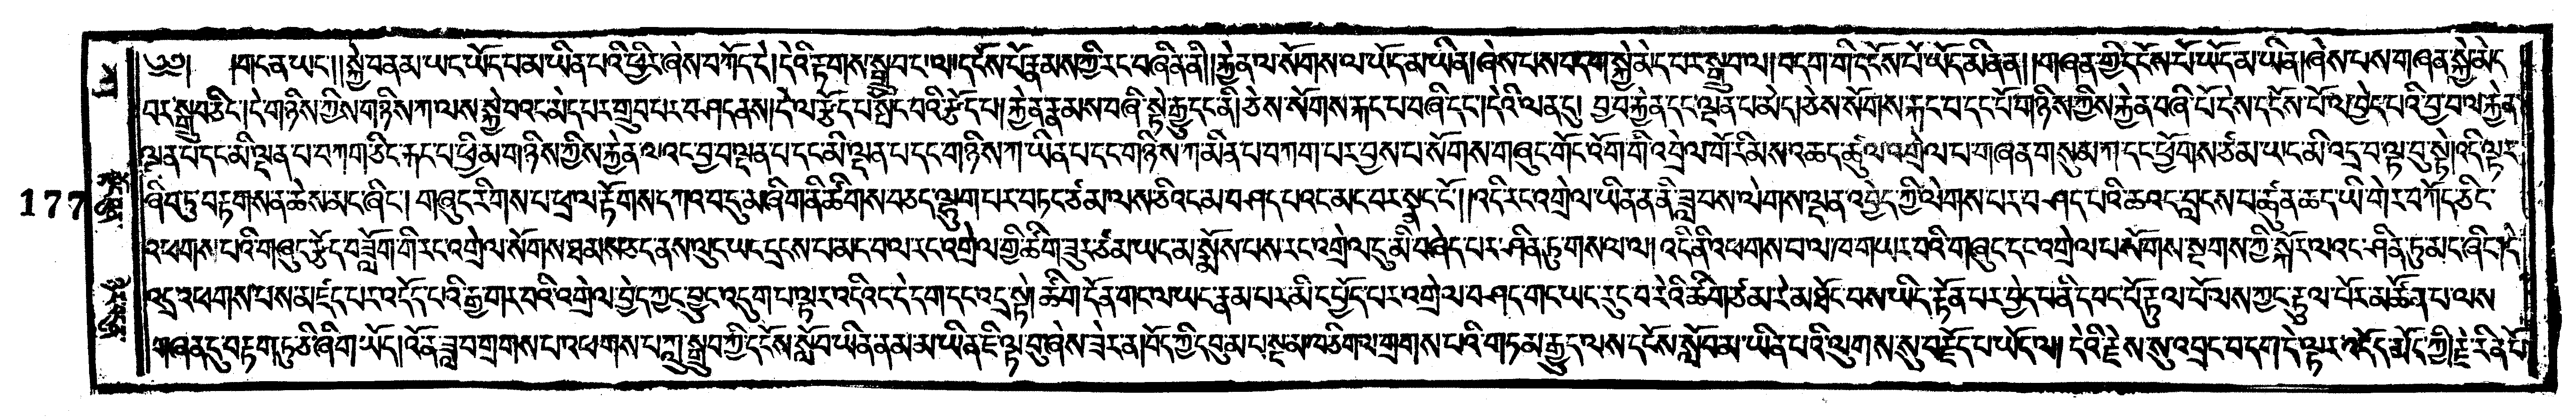༄༅། །གང་ན་ཡང་། །སྐྱེ་བ་ནམ་ཡང་ཡོད་པ་མ་ཡིན་པའི་ཕྱིར་ཞེས་བཀོད་དེ། དེའི་རྟགས་སྒྲུབ་པ་ལ། དངོས་པོ་རྣམས་ཀྱི་རང་བཞིན་ནི། །རྐྱེན་ལ་སོགས་ལ་ཡོད་མ་ཡིན། ཞེས་པས་བདག་སྐྱེ་མེད་པར་སྒྲུབ་ལ། བདག་གི་དངོས་པོ་ཡོད་མིན་ན། །གཞན་གྱི་དངོས་པོ་ཡོད་མ་ཡིན། ཞེས་པས་གཞན་སྐྱེ་མེད་
བར་སྒྲུབ་ཅིང་། དེ་གཉིས་ཀྱིས་གཉིས་ཀ་ལས་སྐྱེ་བའང་མེད་པར་གྲུབ་པར་བཤད་ནས། དེ་ལ་རྩོད་པ་སྤོང་བའི་རྩོད་པ། རྐྱེན་རྣམས་བཞི་སྟེ་རྒྱུ་དང་ནི། ཅེས་སོགས་རྐང་པ་བཞི་དང་། དེའི་ལན་དུ། བྱ་བ་རྐྱེན་དང་ལྡན་པ་མེད། ཅེས་སོགས་རྐང་བ་དང་པོ་གཉིས་ཀྱིས་རྐྱེན་བཞི་པོ་དེས་དངོས་པོ་ལ་བྱེད་པའི་བྱ་བ་ལ་རྐྱེན་
ལྡན་པ་དང་མི་ལྡན་པ་བཀག་ཅིང་རྐང་པ་ཕྱི་མ་གཉིས་ཀྱིས་རྐྱེན་ལའང་བྱ་བ་ལྡན་པ་དང་མི་ལྡན་པ་དང་གཉིས་ཀ་ཡིན་པ་དང་གཉིས་ཀ་མིན་པ་བཀག་པར་བྱས་པ་སོགས་གཞུང་གོང་འོག་གི་འབྲེལ་གོ་རིམས་འཆད་ཚུལ་འགྲེལ་པ་གཞན་གསུམ་ཀ་དང་ཕྱོགས་ཙམ་ཡང་མི་འདྲ་བ་ལྟ་བུ་སྟེ། འདི་ལྟར་
ཞིབ་ཏུ་བརྟགས་ན་ཆེས་མང་ཞིང་། གཞུང་རིགས་པ་ཕྲལ་རྟོགས་དཀའ་བ་དུ་མ་ཞིག་ནི་ཚིགས་བཅད་ལྷུག་པར་བཏང་ཙམ་ལས་ཅིའང་མ་བཤད་པའང་མང་བར་སྣང་ངོ། །འདི་རང་འགྲེལ་ཡིན་ན་ནི་ཟླ་བས་ལེགས་ལྡན་འབྱེད་ཀྱི་ལེགས་པར་བཤད་པའི་ཆའང་བླངས་པ་ཚུན་ཆད་ཡི་གེར་བཀོད་ཅིང་
འཕགས་པའི་གཞུང་རྩོད་བཟློག་གི་རང་འགྲེལ་སོགས་ཐམས་ཅད་ནས་ལུང་ཡང་དྲངས་པ་མང་བ་ལ་རང་འགྲེལ་གྱི་ཚིག་ཟུར་ཙམ་ཡང་མ་སྨོས་པས་རང་འགྲེལ་དུ་མི་བཞེད་པར་ཤིན་ཏུ་གསལ་ལ། འདི་ནི་འཕགས་པ་ལ་ཁ་གཡར་བའི་གཞུང་དང་འགྲེལ་པ་སོགས་སྔགས་ཀྱི་སྐོར་ལའང་ཤིན་ཏུ་མང་ཞིང་། དེ་
འདྲ་འཕགས་པས་མཛད་པར་འདོད་པའི་རྒྱ་གར་བའི་འགྲེལ་བྱེད་ཀྱང་བྱུང་འདུག་བ་ལྟར་འདིའང་དེ་དག་དང་འདྲ་སྟེ། ཚིག་དོན་གང་ལ་ཡང་རྣམ་པར་མི་དཔྱོད་པར་འགྲེལ་བཤད་གང་ཡང་རུང་བ་རེའི་ཚིག་ཙམ་རེ་མཐོང་བས་ཡིད་རྟོན་པར་བྱེད་པ་ནི་དབང་པོ་རྟུལ་པོ་ལས་ཀྱང་རྟུལ་པོར་མཚོན་པ་ལས་
གཞན་དུ་བརྟག་ཏུ་ཅི་ཞིག་ཡོད། འོ་ན་ཟླ་བ་གྲགས་པ་འཕགས་པ་ཀླུ་སྒྲུབ་ཀྱི་དངོས་སློབ་ཡིན་ནམ་མ་ཡིན་ཇི་ལྟ་བུ་ཞེས་ཟེར་ན། བོད་ཀྱི་དབུ་མ་པ་སྔ་མ་ཁ་ཅིག་ལ་གྲགས་པའི་གཏམ་རྒྱུད་ལས་དངོས་སློབ་མ་ཡིན་པའི་ལུགས་སུ་བརྗོད་པ་ཡོད་ལ། དེའི་རྗེས་སུ་འབྲང་བདག་དེ་ལྟར་འདོད་མོད་ཀྱི། རྗེ་རིན་པོ་